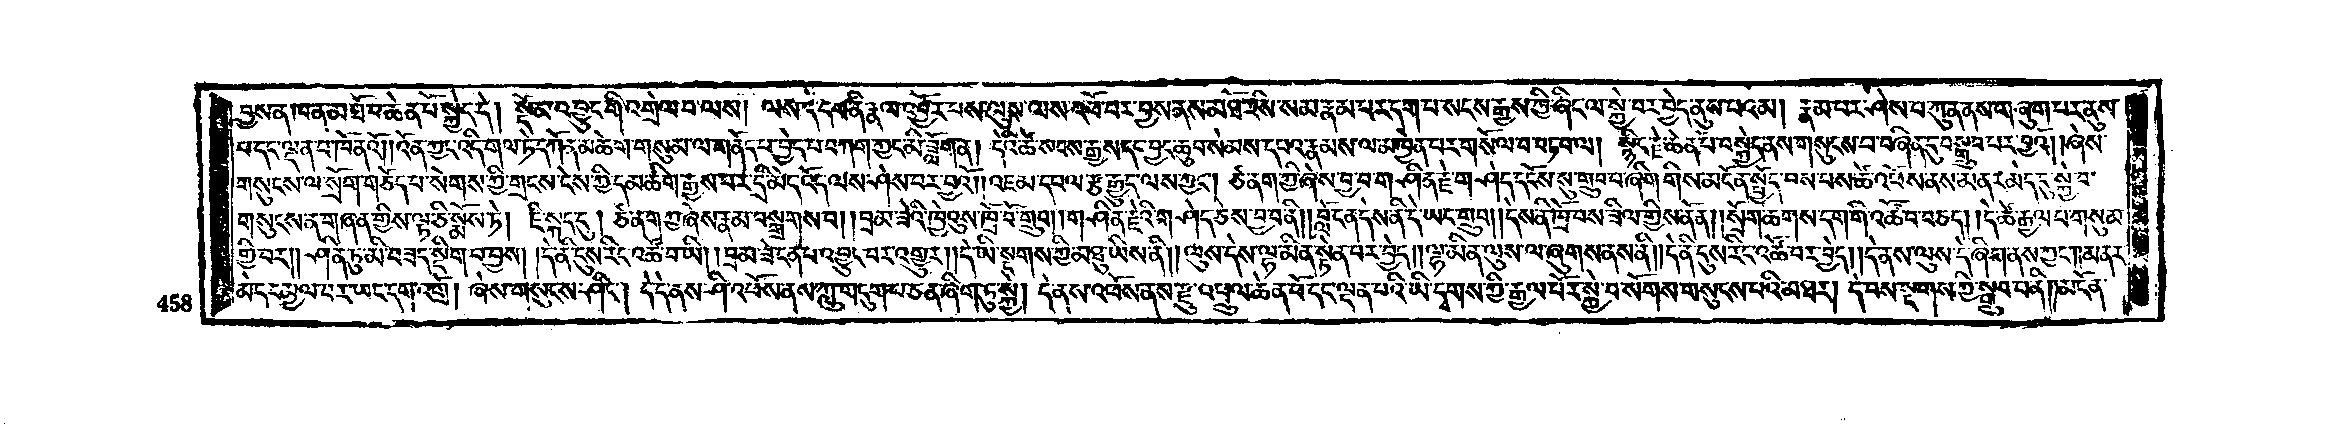བྱས་ན་ཁ་ན་མ་ཐོ་བ་ཆེན་པོ་སྐྱེད་དེ། སྡོམ་འབྱུང་གི་འགྲེལ་བ་ལས། ལས་དེ་དག་ནི་རྣལ་འབྱོར་པས་ལུས་ལས་འཕོ་བར་བྱས་ནས་མཐོ་རིས་སམ་རྣམ་པར་དག་པ་སངས་རྒྱས་ཀྱི་ཞིང་ལ་སྐྱེ་བར་བྱེད་ནུས་པའམ། རྣམ་པར་ཤེས་པ་ཀུན་ནས་གཞུག་པར་ནུས་
པ་དང་ལྡན་པ་ཁོ་ནའོ། །འོན་ཀྱང་འདི་གལ་ཏེ་དཀོན་མཆོག་གསུམ་ལ་གནོད་པ་བྱེད་པ་བཀག་ཀྱང་མི་ཟློག་ན། དེའི་ཚེ་སངས་རྒྱས་དང་བྱང་ཆུབ་སེམས་དཔའ་རྣམས་ལ་མཁྱེན་པར་གསོལ་བ་བཏབ་ལ། སྙིང་རྗེ་ཆེན་པོ་བསྐྱེད་ནས་གསུངས་པ་བཞིན་དུ་བསྒྲུབ་པར་བྱའོ། །ཞེས་
གསུངས་ལ་སྲོག་གཅོད་པ་སོགས་ཀྱི་གྲངས་ངེས་ཀྱི་དམ་ཚིག་རྒྱས་པར་དྲི་མེད་འོད་ལས་ཤེས་པར་བྱའོ། །འཇམ་དཔལ་རྩ་རྒྱུད་ལས་ཀྱང་། ཙ་ནག་ཀྱི་ཞེས་བྱ་བ་གཤིན་རྗེ་གཤེད་དངོས་སུ་གྲུབ་པ་ཞིག་གིས་མངོན་སྤྱོད་བས་པས་ཚེ་འཕོས་ནས་མནར་མེད་དུ་སྐྱེ་བ་
གསུངས་ན་གཞན་གྱིས་ལྟ་ཅི་སྨོས་ཏེ། ཇི་སྐད་དུ། ཙ་ནག་ཀྱི་ཞེས་རྣམ་བསྒྲགས་བ། །བྲམ་ཟེའི་ཁྱེའུས་ཁྲོ་བོ་གྲུབ། །གཤིན་རྗེའི་གཤེད་ཅེས་བྱ་བ་ནི། །བློ་ངན་དེས་ནི་དེ་ཡང་གྲུབ། །དེས་ནི་ཁྲོ་བས་ཟིལ་གྱིས་ནོན། །སྲོག་ཆགས་དག་གི་འཚོ་བ་བཅད། །དེ་ཚེ་རྒྱལ་པ་གསུམ་
གྱི་བར།། ཤིན་ཏུ་མི་བཟད་སྡིག་པ་བྱས། །དེ་ནི་དུས་རིང་འཚོ་བ་ཡི། །བྲམ་ཟེ་ངན་པ་འབྱུང་བར་འགྱུར། །དེ་ཡི་སྔགས་ཀྱི་མཐུ་ཡིས་ནི། །ལུས་དེས་ལྷ་མིན་སྟེན་པར་བྱེད། །ལྷ་མིན་ལུས་ལ་ཞུགས་ནས་ནི། །དེ་ནི་དུས་རིང་འཚོ་བར་བྱེད། །དེ་ནས་ལུས་དེ་ཞིག་ནས་ཀྱང་། །མནར་
མེད་དམྱལ་པར་ཡང་དག་འགྲོ། ཞེས་གསུངས་ཤིང་། དེ་དེ་ནས་ཤི་འཕོས་ནས་ཀླུ་གདུག་པ་ཅན་ཞིག་ཏུ་སྐྱེ། དེ་ནས་འཕོས་ནས་རྫུ་འཕྲུལ་ཆེན་ཕོ་དང་ལྡན་པའི་ཡི་དྭགས་ཀྱི་རྒྱལ་པོར་སྐྱེ་བ་སོགས་གསུངས་པའི་མཐར། དེ་བས་སྔགས་ཀྱི་སྒྲུབ་པ་ནི། །མངོན་